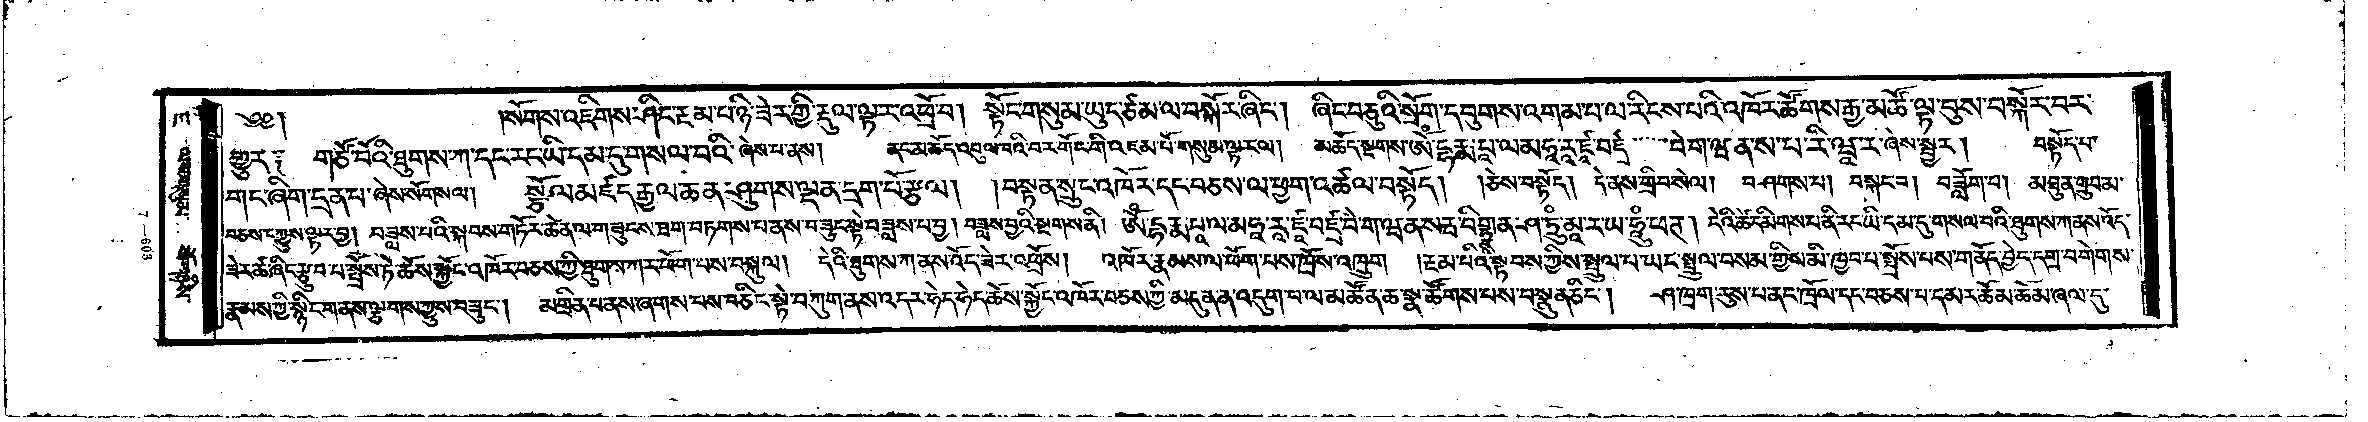༄༅། །སོགས་འཇིགས་ཤིང་རྔ་མ་པ་ཉི་ཟེར་གྱི་རྡུལ་ལྟར་འཕྲོ་བ། སྟོང་གསུམ་ཡུད་ཙམ་ལ་བསྐོར་ཞིང་། ཞིང་བཅུའི་སྲོག་དབུགས་འགམ་བ་ལ་རིངས་པའི་འཁོར་ཚོགས་རྒྱ་མཚོ་ལྟ་བུས་བསྐོར་བར་
གྱུར༑ གཙོ་བོའི་ཐུགས་ཀ་དང་རང་ཡི་དམ་དུ་གསལ་བའི་ཞེས་བ་ནས། ནང་མཆོད་འབུལ་བའི་བར་གོང་གི་འཇམ་པོ་གསུམ་ལྟར་ལ། མཆོད་སྔགས་ཨོཾ་དྷརྨ་པཱ་ལ་མྷཱ་རཱ་ཛཱ་བཛྲ་བེ་ག་ཝ་ན་ས་པ་རི་ཝཱ་ར་ཞེས་སྦྱར། བསྟོད་པ
གང་ཞིག་དྲན་པ་ཞེས་སོགས་ལ།  སྩོལ་མཛད་རྒྱལ་ཆེན་ཤུགས་ལྡན་དྲག་པོ་རྩལ། །བསྟན་སྲུང་འཁོར་དང་བཅས་ལ་ཕྱག་འཚལ་བསྟོད། །ཅེས་བསྟོད། དེ་ནས་གྲིབ་སེལ། བཤགས་པ། བསྐང་བ། བཟློག་པ། མཐུན་གྲུབ་མ་
བཅས་དཀྱུས་ལྟར་བྱ། བཟླས་པའི་སྐབས་གཏོར་ཆེན་ལ་གཟུངས་ཐག་བཏགས་པ་ནས་བཟུང་སྟེ་བཟླས་པ་བྱ། བཟླས་བྱའི་སྔགས་ནི། ཨོཾ་དྷརྨ་པཱ་ལ་མྷཱ་རཱ་ཛཱ་བཛྲ་བེ་གྷ་ཝ་ན་སརྦ་བིགྷཱན་ཤ་དཱཾ་མཱ་ར་ཡ་ཧཱུཾ་ཕཊ། དེའི་ཚེ་དམིགས་པ་ནི་རང་ཡི་དམ་དུ་གསལ་བའི་ཐུགས་ཀ་ནས་འོད་
ཟེར་ཚ་ཞིང་རྩུབ་པ་སྤྲོས་ཏེ་ཆོས་སྐྱོང་འཁོར་བཅས་ཀྱི་ཐུགས་ཀར་ཕོག་པས་བསྐུལ། དེའི་ཐུགས་ཀ་ནས་འོད་ཟེར་འཕྲོས། འཁོར་རྣམས་ལ་ཕོག་པས་ཁྲོས་འཇུག །རྡམ་པའི་སྟབས་ཀྱིས་སྤྲུལ་པ་ཡང་སྤྲུལ་བསམ་གྱིས་མི་ཁྱབ་པ་སྤྲོས་པས་གནོད་བྱེད་དགྲ་བགེགས་
རྣམས་ཀྱི་སྙིང་ག་ནས་ལྕགས་ཀྱུས་བཟུང་། མགྲིན་པ་ནས་ཞགས་པས་བཅིང་སྟེ་པ་ཀུགས་ནས་འདར་ཧེད་ཧེད་ཆོས་སྐྱོང་འཁོར་བཅས་ཀྱི་མདུན་ན་བདུག་པ་ལ་མཚོན་ཆ་སྣ་ཚོགས་པས་བསྣུན་ཅིང་། ཤ་ཁྲག་རུས་པ་ནང་ཁྲོལ་དང་བཅས་པ་དམར་ཆོམ་ཆོམ་ཞལ་དུ་